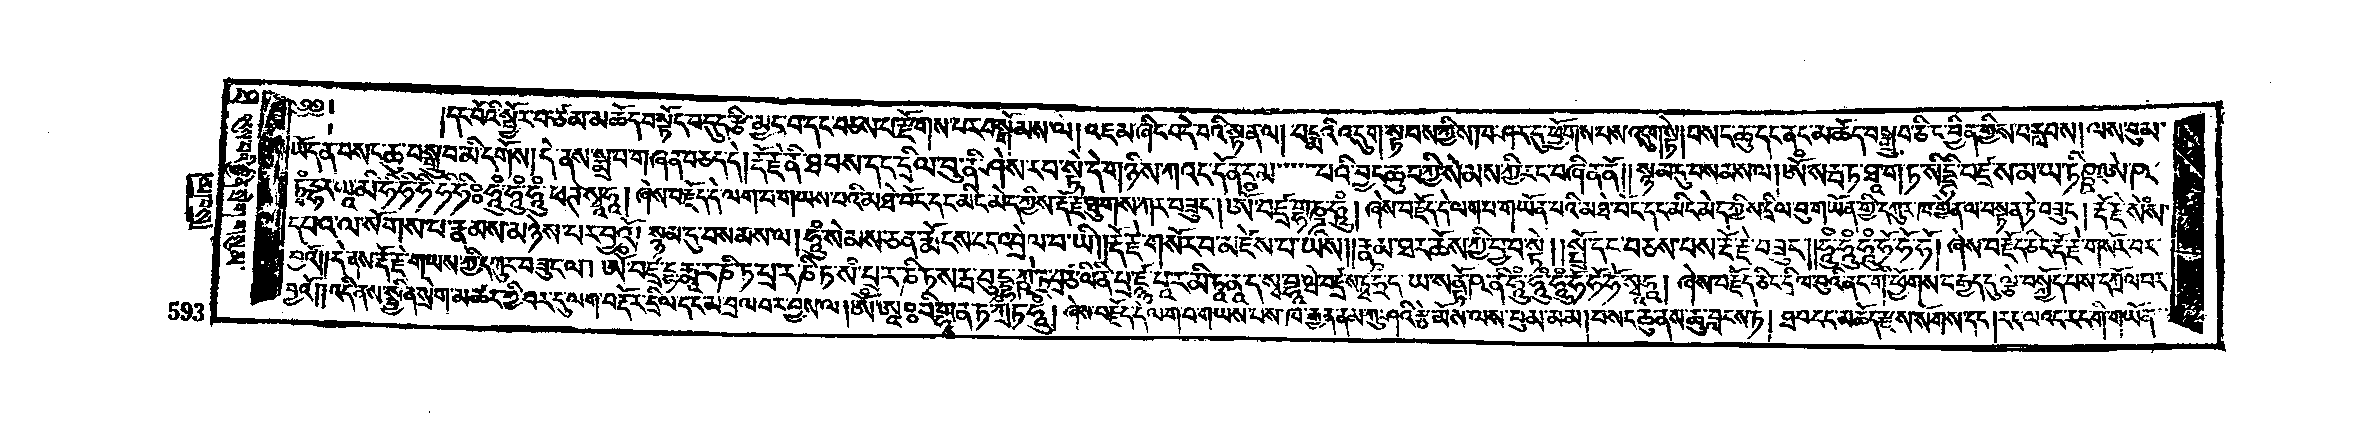༄༅། །དང་པོའི་སྦྱོར་བ་ཙམ་མཆོད་བསྟོང་བདུད་རྩི་མྱང་བ་དང་བཅས་པ་རྫོགས་པར་བསྒོམས་ལ། འཇམ་ཞིང་བདེ་བའི་སྟན་ལ། པདམའི་འདུག་སྟབས་ཀྱིས་ཁ་ཤར་དུ་ཕྱོགས་པས་འདུག་སྟེ། བསང་ཆུ་དང་ནང་མཆོད་བསྒྲུབ་ཅིང་མཆོད་བསྒྲུབ་ཅིང་བྱིན་གྱིས་བརླབས། ལས་བུམ་
ཡོད་ན་བསང་ཆུ་བསྒྲུབ་མི་དགོས། དེ་ནས་སྨྲ་བ་གཞན་བཅད་དེ། རྡོ་རྗེ་ནི་ཐབས་དང་དྲིལ་བུ་ནི་ཤེས་རབ་སྟེ་དེ་གཉིས་ཀའང་དོན་དམ་པའི་བྱང་ཆུབ་ཀྱི་སེམས་ཀྱི་རང་བཞིན་ནོ། །སྙམ་དུ་བསམས་ལ། ཨོཾ་སྲྦ་ཏ་ཐཱ་ག་ཏ་སིདྡྷི་བྫྲ་ས་མ་ཡ་ཏི་ཥཊཿཨ་ཨེ་ཥ་
ཏྭཾ་དྷར་ཡཱ་མི་ཧི་ཧི་ཧི་ཧི་ཧིཿ ཧཱུཾ་ཧཱུཾ་ཧཱུཾ་ཕཌ་སྭཱ་ཧཱ། ཞེས་བརྗོད་དེ་ལག་པ་གཡས་པའི་མཐེ་བོང་དང་མིང་མེད་ཀྱིས་རྡོ་རྗེ་ཐུགས་ཀར་བཟུང་། ཨོཾ་བྫྲ་གྷཎྜ་ཧཱུཾ། ཞེས་བརྗོད་དེ་ལག་པ་གཡོན་པའི་མཐེ་བོང་དང་མིང་མེད་ཀྱིས་དྲིལ་བུ་གཡོན་གྱི་དཀུར་ཁ་གྱེན་ལ་བསྟན་ཏེ་བཟུང་། རྡོ་རྗེ་སེམས་
དཔའ་ལ་སོགས་པ་རྣམས་མཉེས་པར་བྱའོ། །སྙམ་དུ་བསམས་ལ། ཧཱུཾ་སེམས་ཅན་རྨོངས་དང་འབྲེལ་བ་ཡི། །རྡོ་རྗེ་གསོར་བ་མཛེས་པ་ཡིས། །རྣམ་ཐར་ཆོས་ཀྱི་བྱ་བ་སྟེ། །སྤྲོ་དང་བཅས་པས་རྡོ་རྗེ་བཟུང་། །ཧཱུཾ་ཧཱུཾ་ཧཱུཾ་ཧོ་ཧོ་ཧོ་སྭཱ་ཧཱ། ཞེས་བརྗོད་ཅིང་རྡོ་རྗེ་གསོར་བར་
བྱའོ། །དེ་ནས་རྡོ་རྗེ་གཡས་ཀྱི་དཀུར་བཟུང་ལ། ཨོཾ་བྫྲ་དྷ་རྨཱ་ར་ཎི་ཏ་པྲ་ར་ཎི་ཏ་སཾ་པྲ་ར་ཎི་ཏ་སྲྦ་བུདྡྷ་ཀྵེ་ཏྲ་པྲ་ཙ་ལི་ནི་པྲ་ཛྙ་པཱ་ར་མི་ཏཱ་ནཱ་ད་སྭ་བྷཱ་ཝེ་བྫྲ་ས་ཏྲྀ་ཧྲ་ད་ཡ་སྣོཏ་ཥ་ཎི་ཧཱུཾ་ཧཱུཾ་ཧཱུཾ་ཧོ་ཧོ་ཧོ་སྭཱ་ཧཱ། ཞེས་བརྗོད་ཅིང་དྲིལ་བུའི་ནང་གི་ཕྱོགས་བརྒྱད་དུ་ལྕེ་བསྐྱེད་པས་དཀྲོལ་བར་
བྱའོ། །འདི་ནས་སྦྱིན་སྲེག་མཚར་གྱི་བར་དུ་ལག་བརྡོར་དྲིལ་དང་མ་བྲལ་བར་བྱས་ལ། ཨོཾ་ཨཱཿ བི་གྷཱན་ཏ་ཀྲྀ་ཏ་ཧཱུཾ། ཞེས་བརྗོད་དེ་ལག་བ་གཡས་པས་ཁ་རྒྱན་ནམ་ཀུན་ཤཱི་རྩེ་མོས་ལས་བུམ་བསང་ཆུ་ནས་བླངས་ཏེ། ཐབ་དང་མཆོད་རྫས་སཔགས་དང་། རང་ལའང་རང་གི་གཡོན་